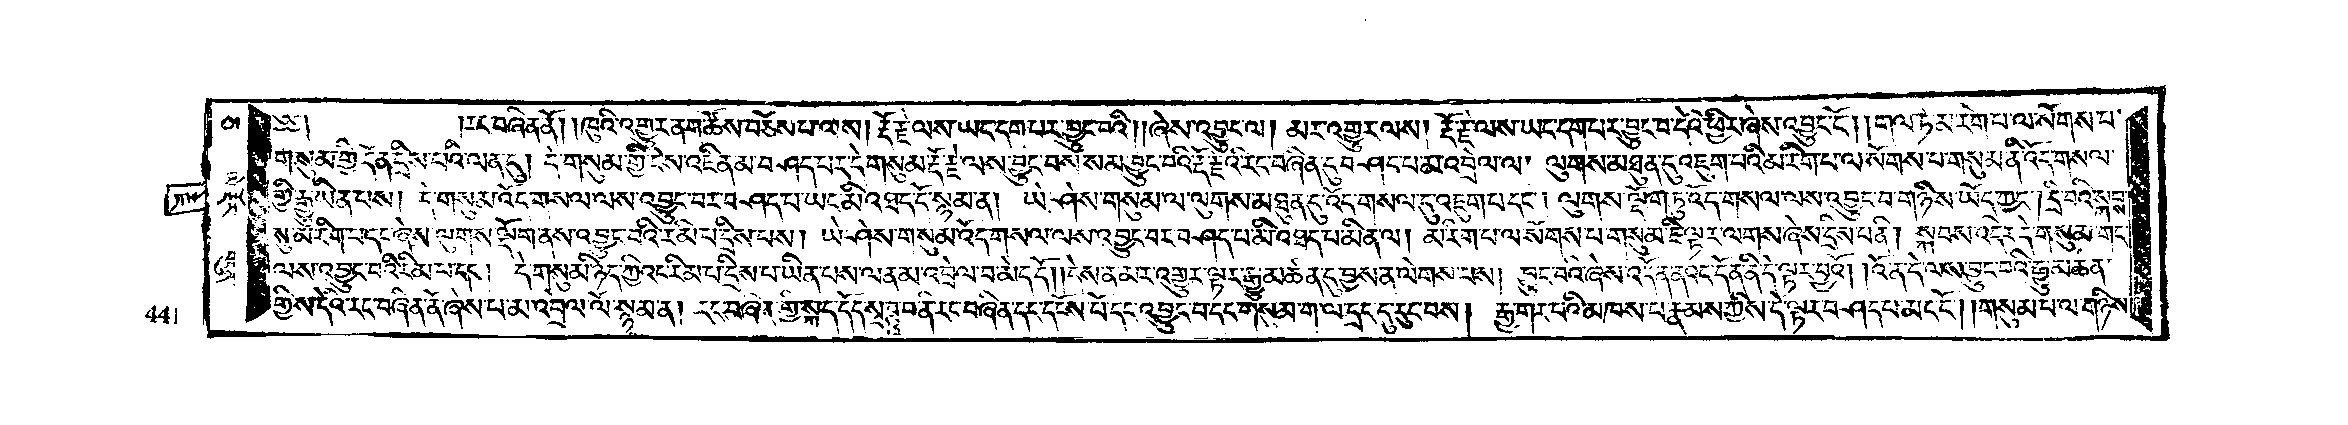༄༅། །རང་བཞིན་ནོ། །ཁུའི་འགྱུར་ནག་ཚོས་བཅོས་པ་ལས། རྡོ་རྗེ་ལས་ཡང་དག་པར་བྱུང་བའི། །ཞེས་འབྱུང་ལ། མར་འགྱུར་ལས། རྡོ་རྗེ་ལས་ཡང་དག་པར་བྱུང་བ་དེའི་ཕྱིར་ཞེས་འབྱུང་ངོ། །གལ་ཏེ་མ་རིག་པ་ལ་སོགས་པ་
གསུམ་གྱི་དོན་དྲེས་པའི་ལན་དུ། དེ་གསུམ་གྱི་ངོས་འཛིན་མ་བཤད་པར་དེ་གསུམ་རྡོ་རྗེ་ལས་བྱུང་བས་སམ་བྱུང་བའི་རྡོ་རྗེའི་རང་བཞིན་དུ་བཤད་པ་མ་འབྲེལ་ལ། ལུགས་མཐུན་དུ་འཇུག་པའི་མ་རིག་པ་ལ་སོགས་པ་གསུམ་ནི་འོད་གསལ་
གྱི་རྒྱུ་ཡིན་པས། དེ་གསུམ་འོད་གསལ་ལས་འབྱུང་བར་བཤད་པ་ཡང་མི་འཐད་དོ་སྙམ་ན། ཡེ་ཤེས་གསུམ་ལ་ལུགས་མཐུན་དུ་འོད་གསལ་དུ་འཇུག་པ་དང་། ལུགས་ལྡོག་ཏུ་འོད་གསལ་ལས་འབྱུང་བ་གཉིས་ཡོད་ཀྱང་། དྲི་བའི་སྐབས་
སུ་མ་རིག་པ་དང་ཞེས་ལུགས་ལྡོག་ནས་འབྱུང་བའི་རིམ་པ་དྲིས་པས། ཡེ་ཤེས་གསུམ་འོད་གསལ་ལས་འབྱུང་བར་བཤད་པ་མི་འཐད་པ་མིན་ལ། མ་རིག་པ་ལ་སོགས་པ་གསུམ་ཇི་ལྟར་ལགས་ཞེས་དྲིས་པ་ནི། སྐབས་འདིར་དེ་གསུམ་གང་
ལས་འབྱུང་བའི་རིམ་པ་དང་། དེ་གསུམ་ཉིད་ཀྱིའང་རིམ་པ་དྲིས་པ་ཡིན་པས་ལན་མ་འབྲེལ་བ་མེད་དོ། །དེས་ན་མར་འགྱུར་ལྟར་རྒྱུ་མཚན་དུ་བྱས་ན་ལེགས་པས། བྱུང་བའི་ཞེས་འདོན་ནའང་དོན་ནི་དེ་ལྟར་བྱའོ། །འོ་ན་དེ་ལས་བྱུང་བའི་རྒྱུ་མཚན་
གྱིས་དེའི་རང་བཞིན་ནོ་ཞེས་པ་མ་འབྲེལ་ལོ་སྙམ་ན། རང་བཞིན་གྱི་སྐད་དོད་སྭ་བྷཱ་བ་ནི་རང་བཞིན་དང་དངོས་པོ་དང་འབྱུང་བ་དང་གསུམ་ག་ལ་དྲང་དུ་རུང་བས། རྒྱ་གར་པའི་མཁས་པ་རྣམས་ཀྱིས་དེ་ལྟར་བཤད་པ་མང་ངོ། །གསུམ་པ་ལ་གཉིས། །